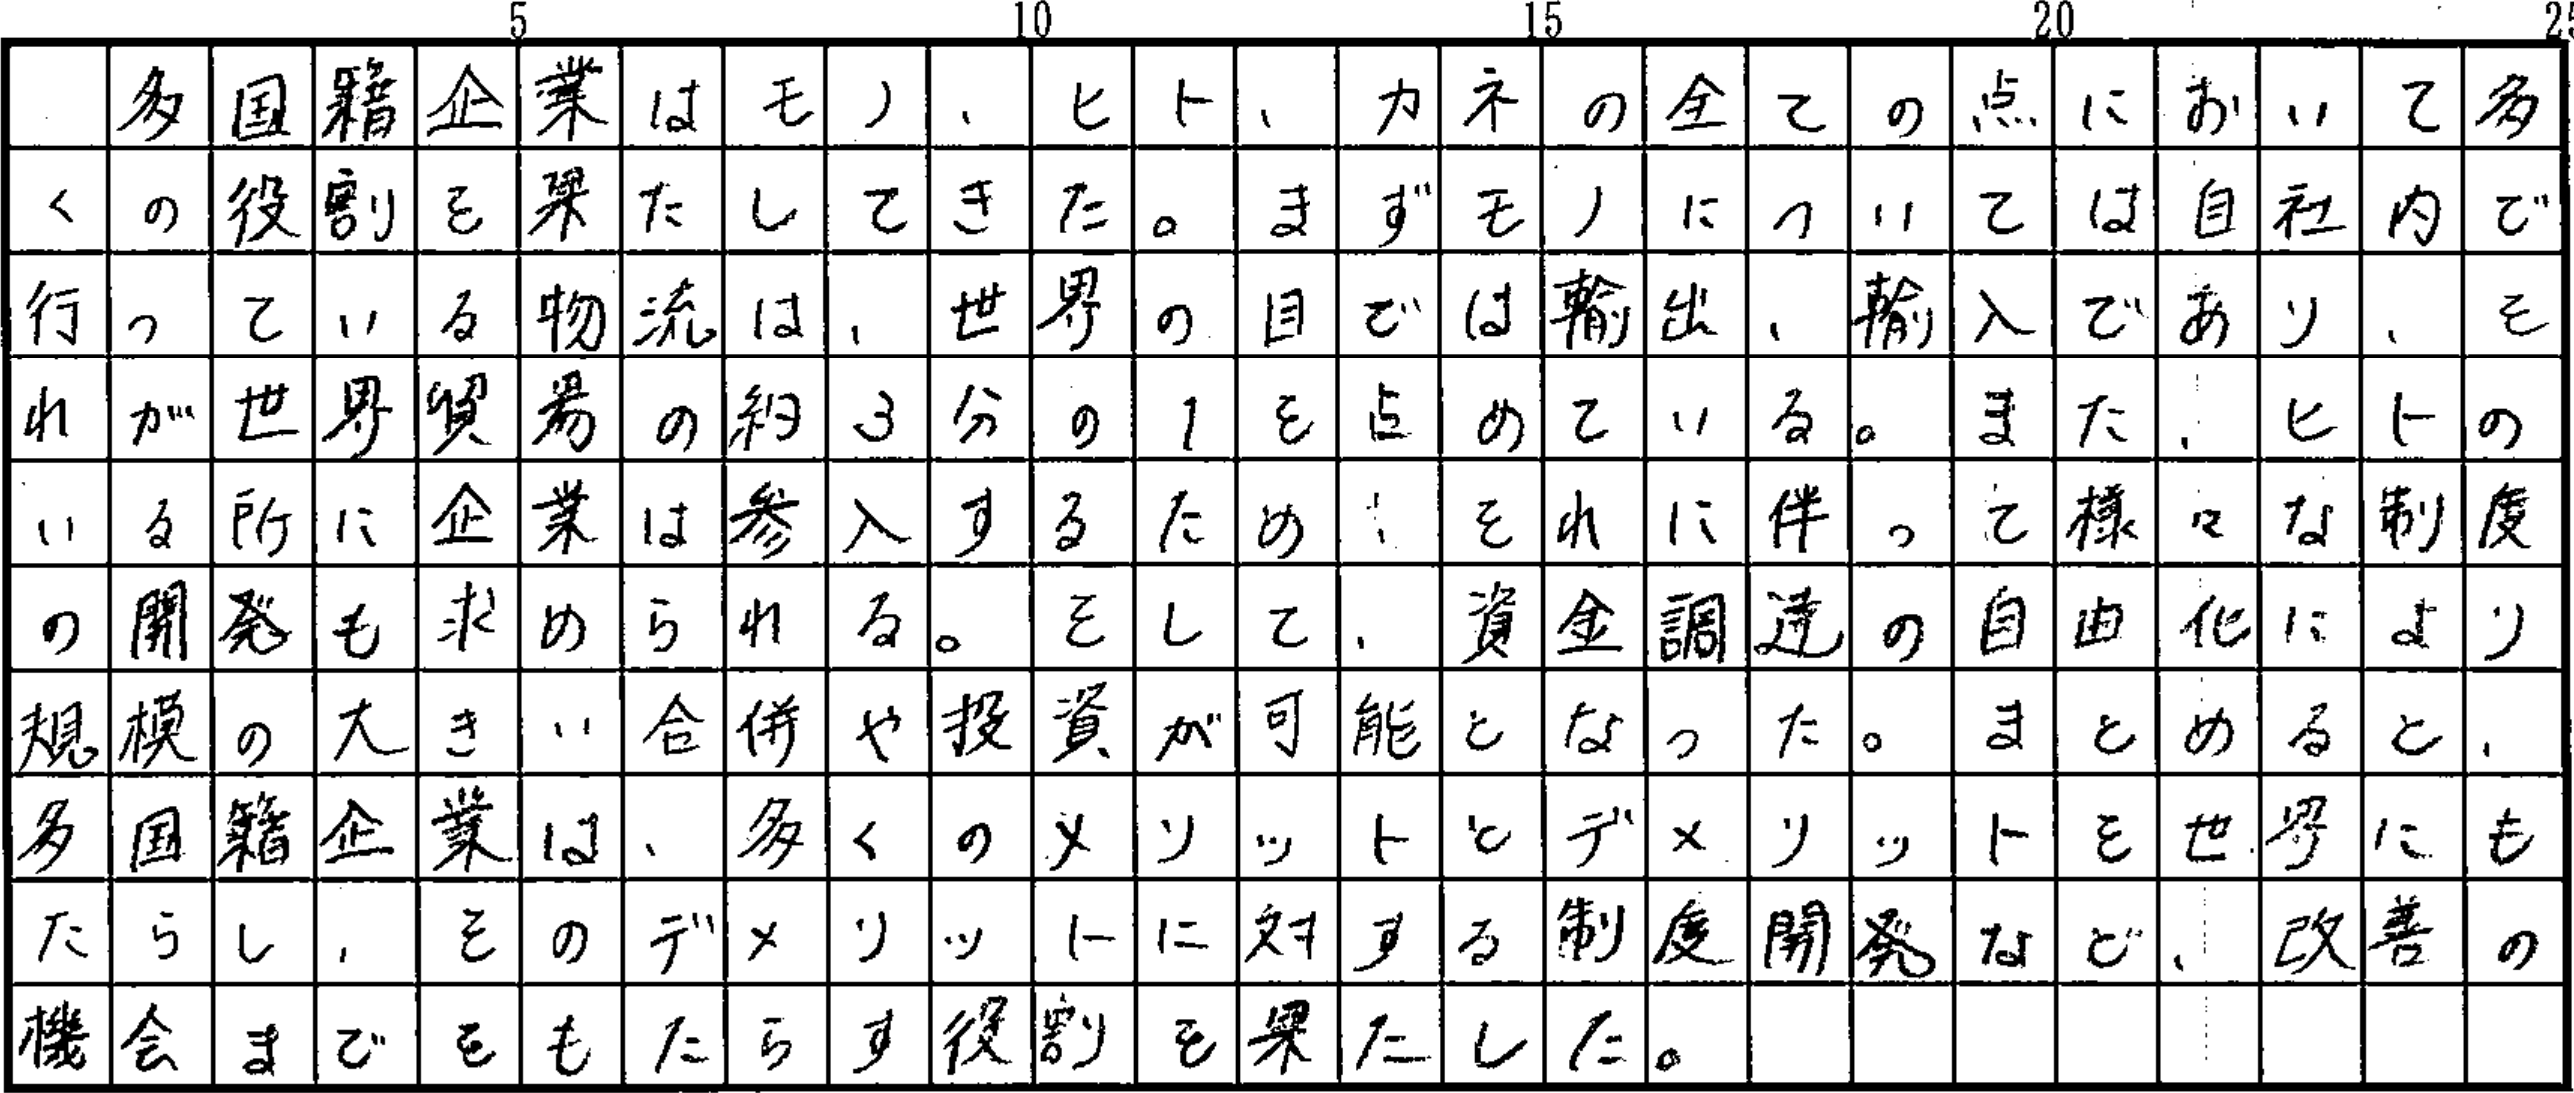　多国籍企業はモノ、ヒト、カネの全ての点において多くの役割を果たしてきた。まずモノについては自社内で行っている物流は、世界の目では輸出、輸入であり、それが世界貿易の約３分の１を占めている。また、ヒトのいる所に企業は参入するため、それに伴って様々な制度の開発も求められる。そして、資金調達の自由化により規模の大きい合併や投資が可能となった。まとめると、多国籍企業は、多くのメリットとデメリットを世界にもたらし、そのデメリットに対する制度開発など、改善の機会までをもたらす役割を果たした。
